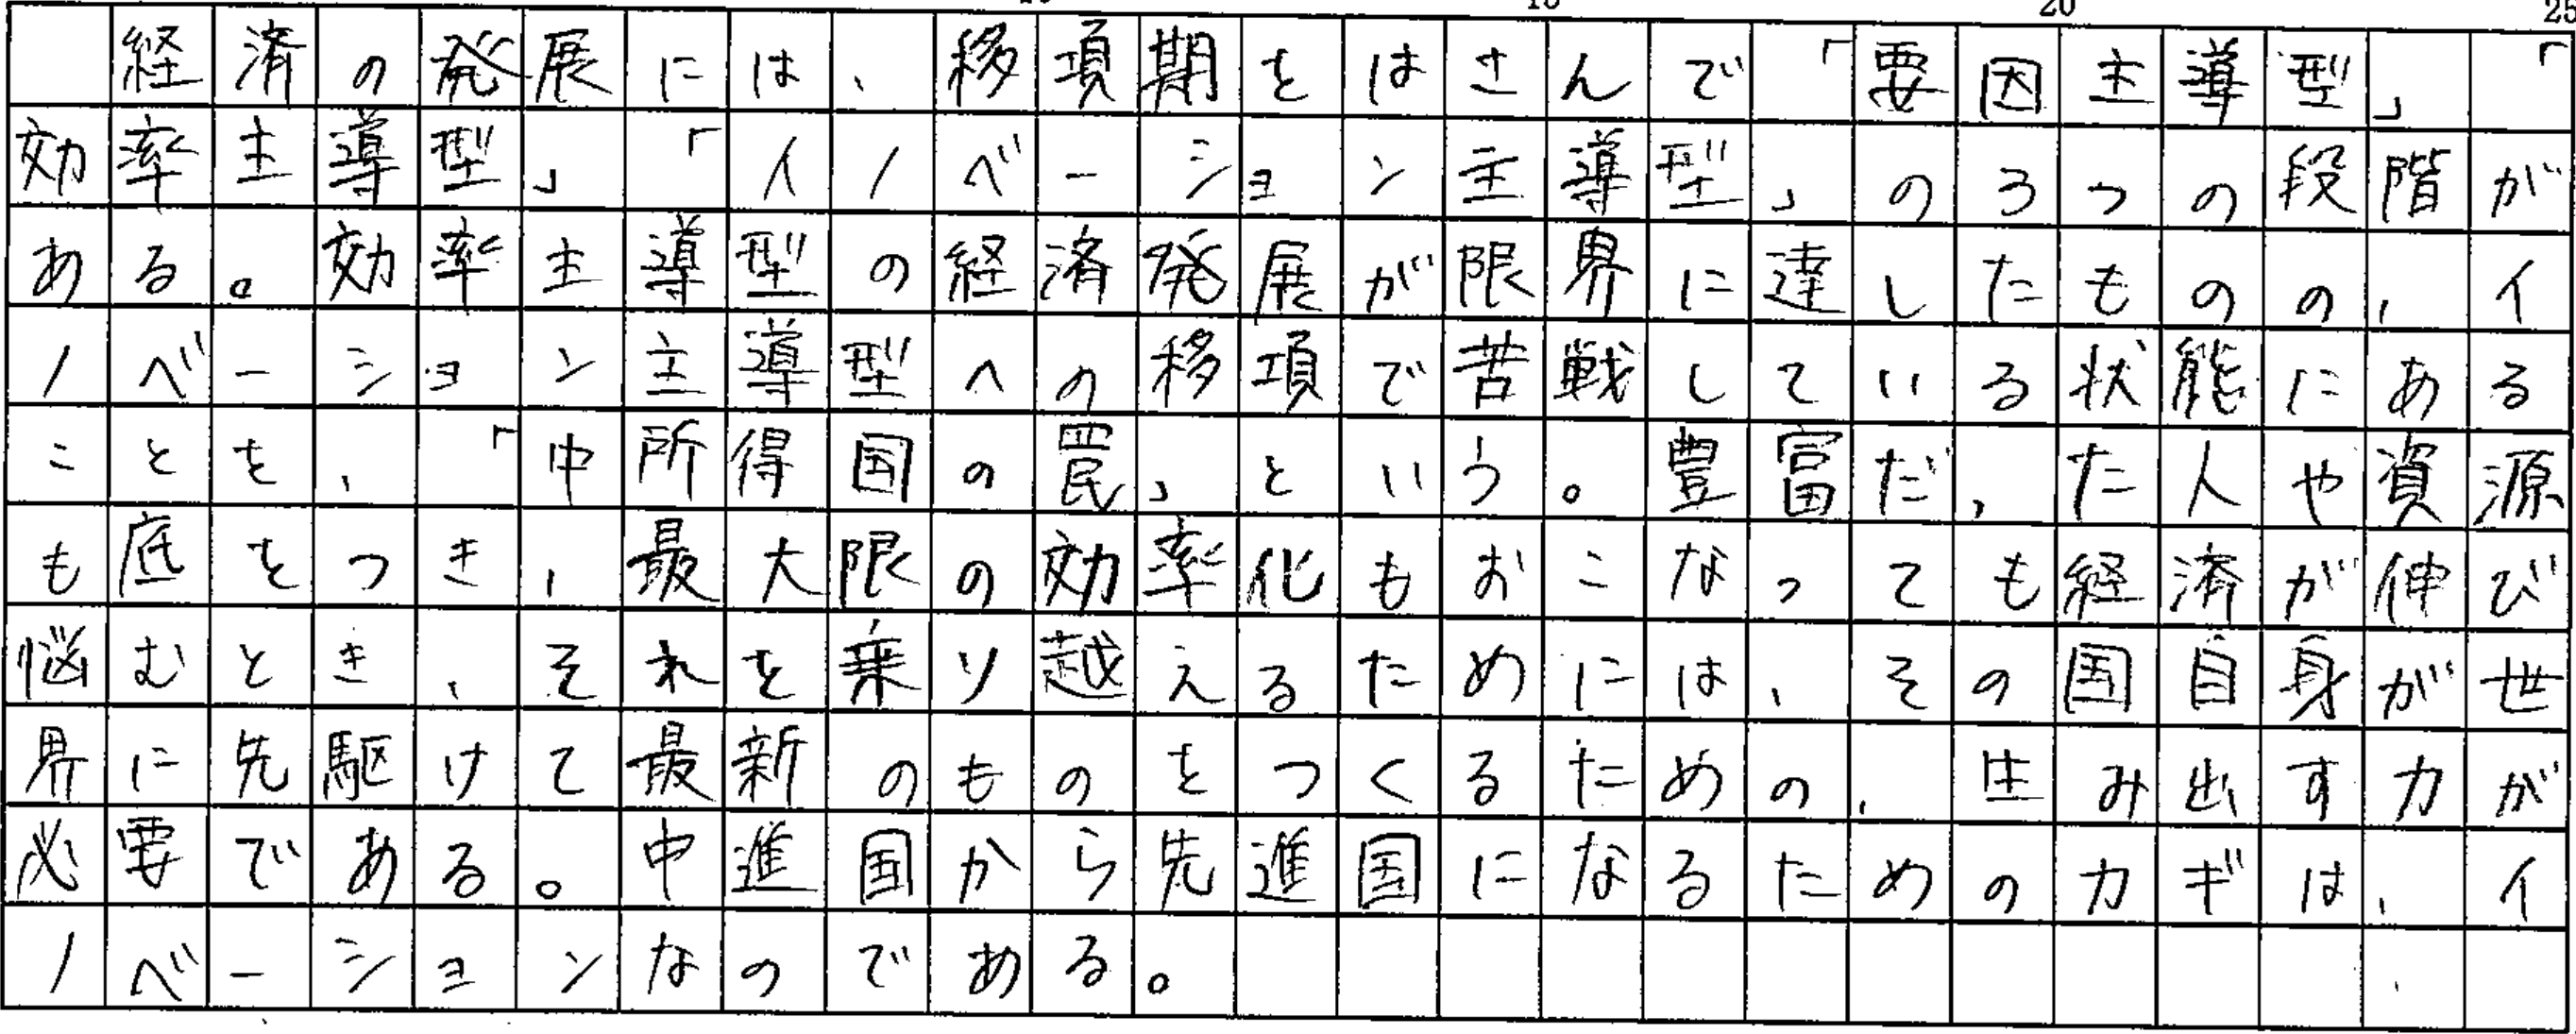　経済の発展には、移項期をはさんで「要因主導型」「効率主導型」「イノベーション主導型」の３つの段階がある。効率主導型の経済発展が限界に達したものの，イノベーション主導型への移項で苦戦している状態にあることを、「中所得国の罠」という。豊富だった人や資源も底をつき，最大限の効率化もおこなっても経済が伸び悩むとき、それを乗り越えるためには、その国自身が世界に先駆けて最新のものをつくるための，生み出す力が必要である。中進国から先進国になるためのカギは、イノベーションなのである。
